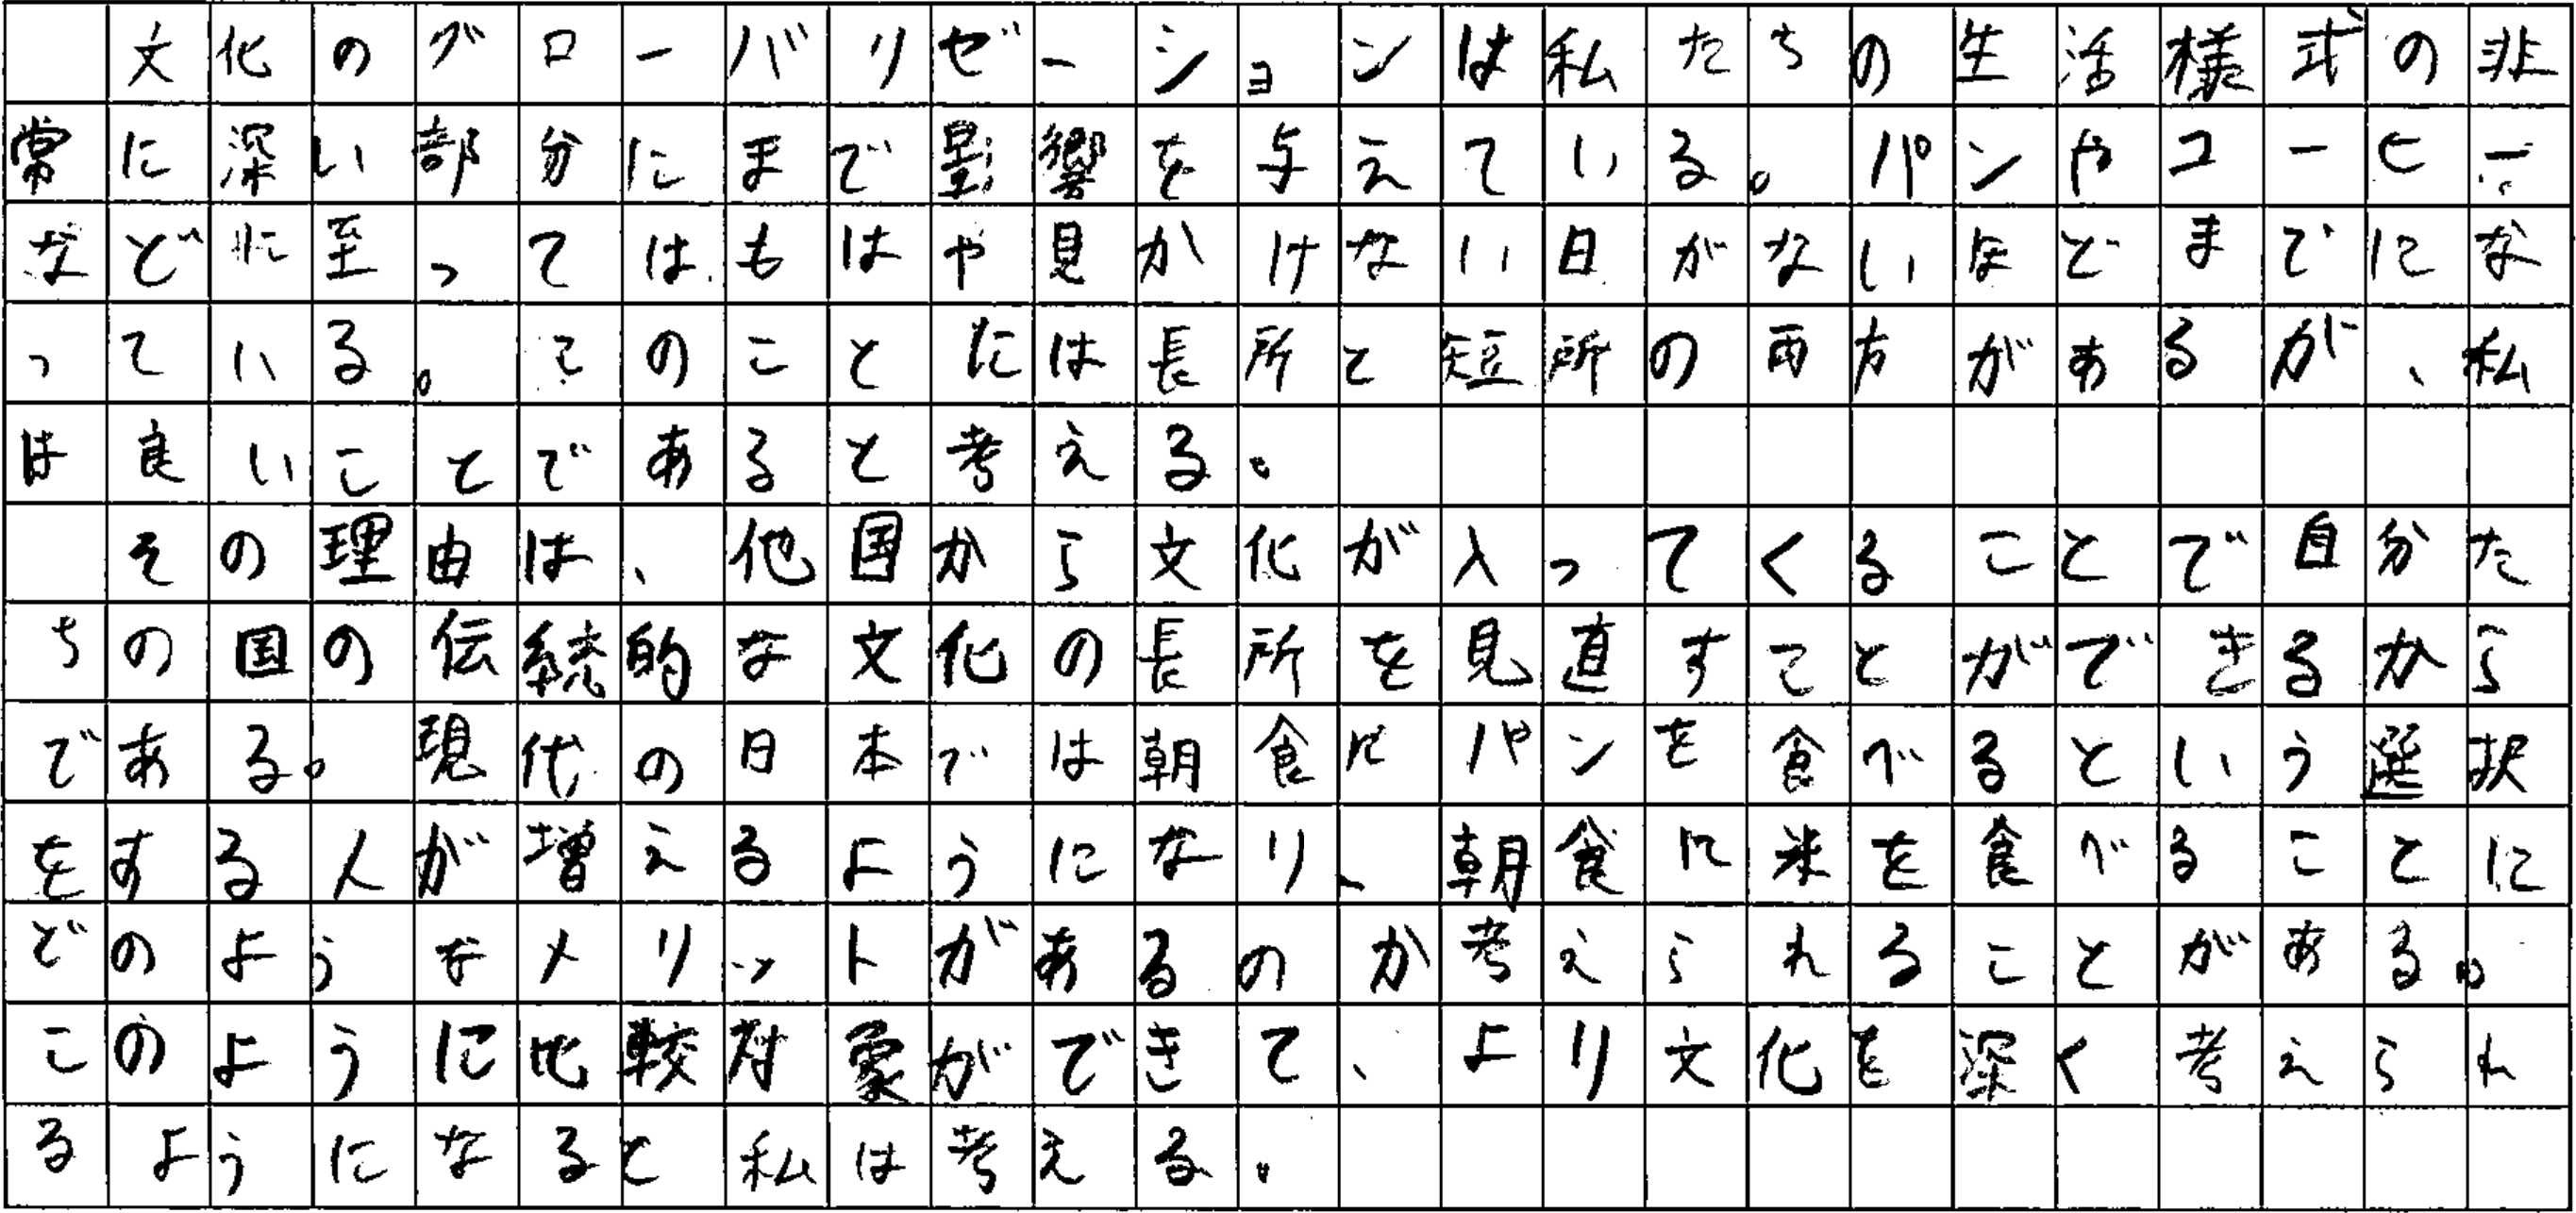　文化のグローバリゼーションは私たちの生活様式の非常に深い部分にまで影響を与えている。パンやコーヒーなどに至ってはもはや見かけない日がないほどまでになっている。このことには長所と短所の両方があるが、私は良いことであると考える。
　その理由は、他国から文化が入ってくることで自分たちの国の伝統的な文化の長所を見直すことができるからである。現代の日本では朝食にパンを食べるという選択をする人が増えるようになり、朝食に米を食べることにどのようなメリットがあるのか考えられることがある。このように比較対象ができて、より文化を深く考えられるようになると私は考える。
